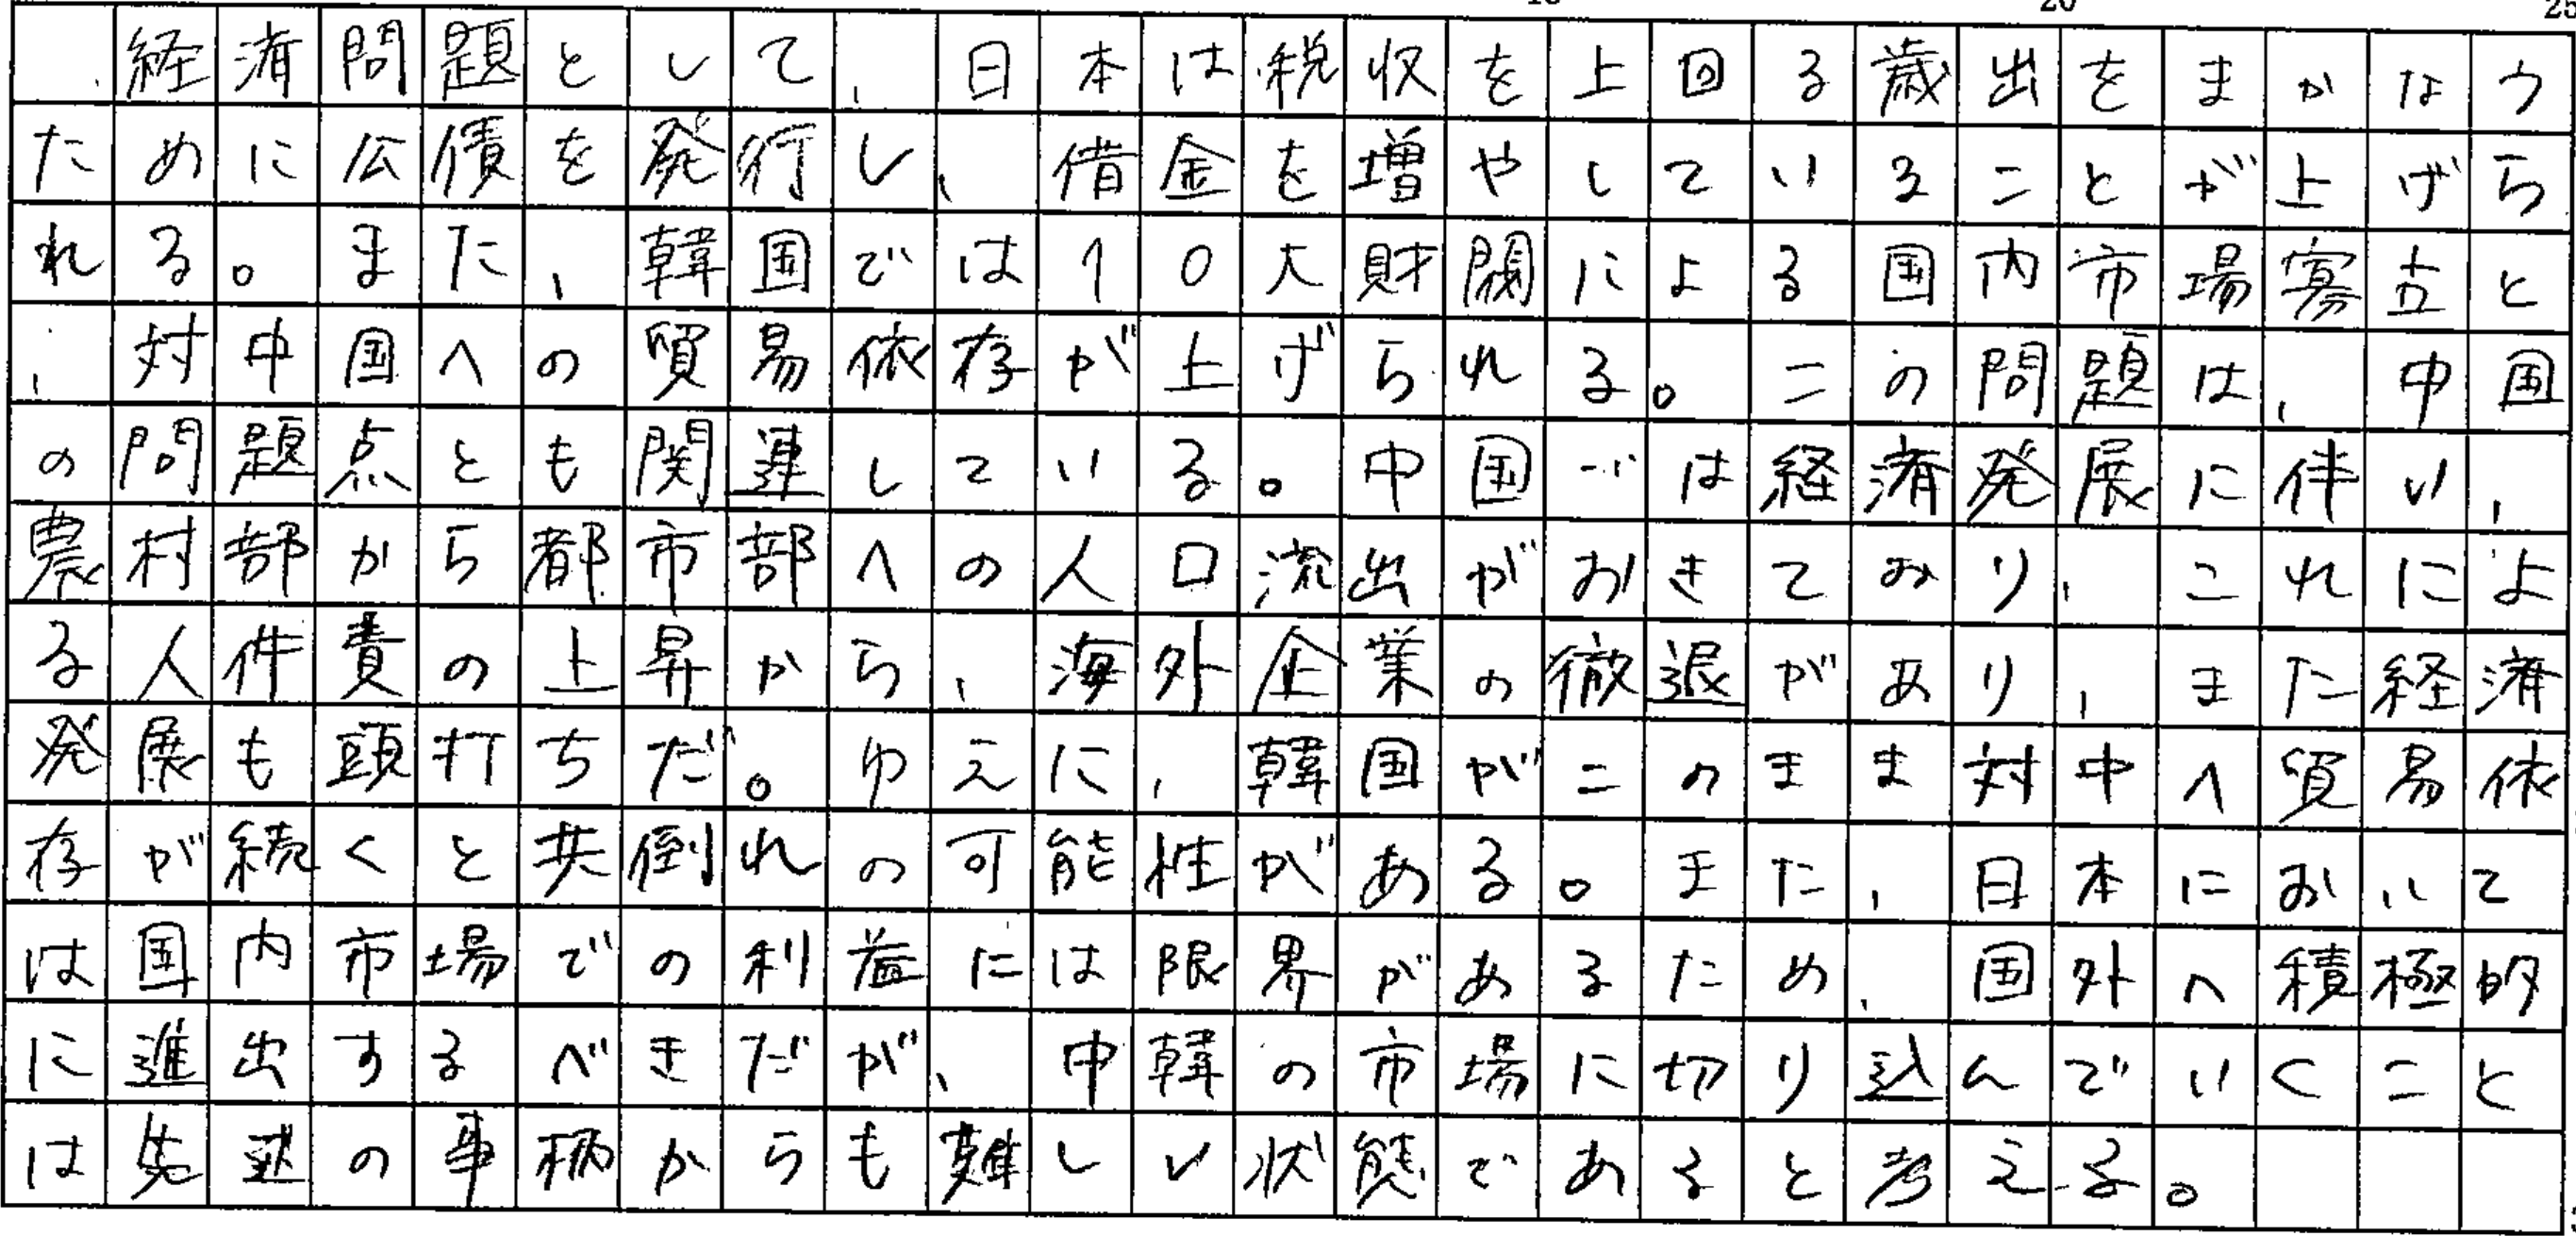　経済問題として、日本は税収を上回る歳出をまかなうために公債を発行し、借金を増やしていることが上げられる。また、韓国では１０大財閥による国内市場寡占と、対中国への貿易依存が上げられる。この問題は、中国の問題点とも関連している。中国▁は経済発展に伴い、農村部から都市部への人口流出がおきており、これによる人件費の上昇から、海外企業の徹退があり、また経済発展も頭打ちだ。ゆえに、韓国がこのまま対中へ貿易依存が続くと共倒れの可能性がある。また、日本においては国内市場での利益には限界があるため、国外へ積極的に進出するべきだが、中韓の市場に切り込んでいくことは先述の事柄からも難しい状態であると考える。
